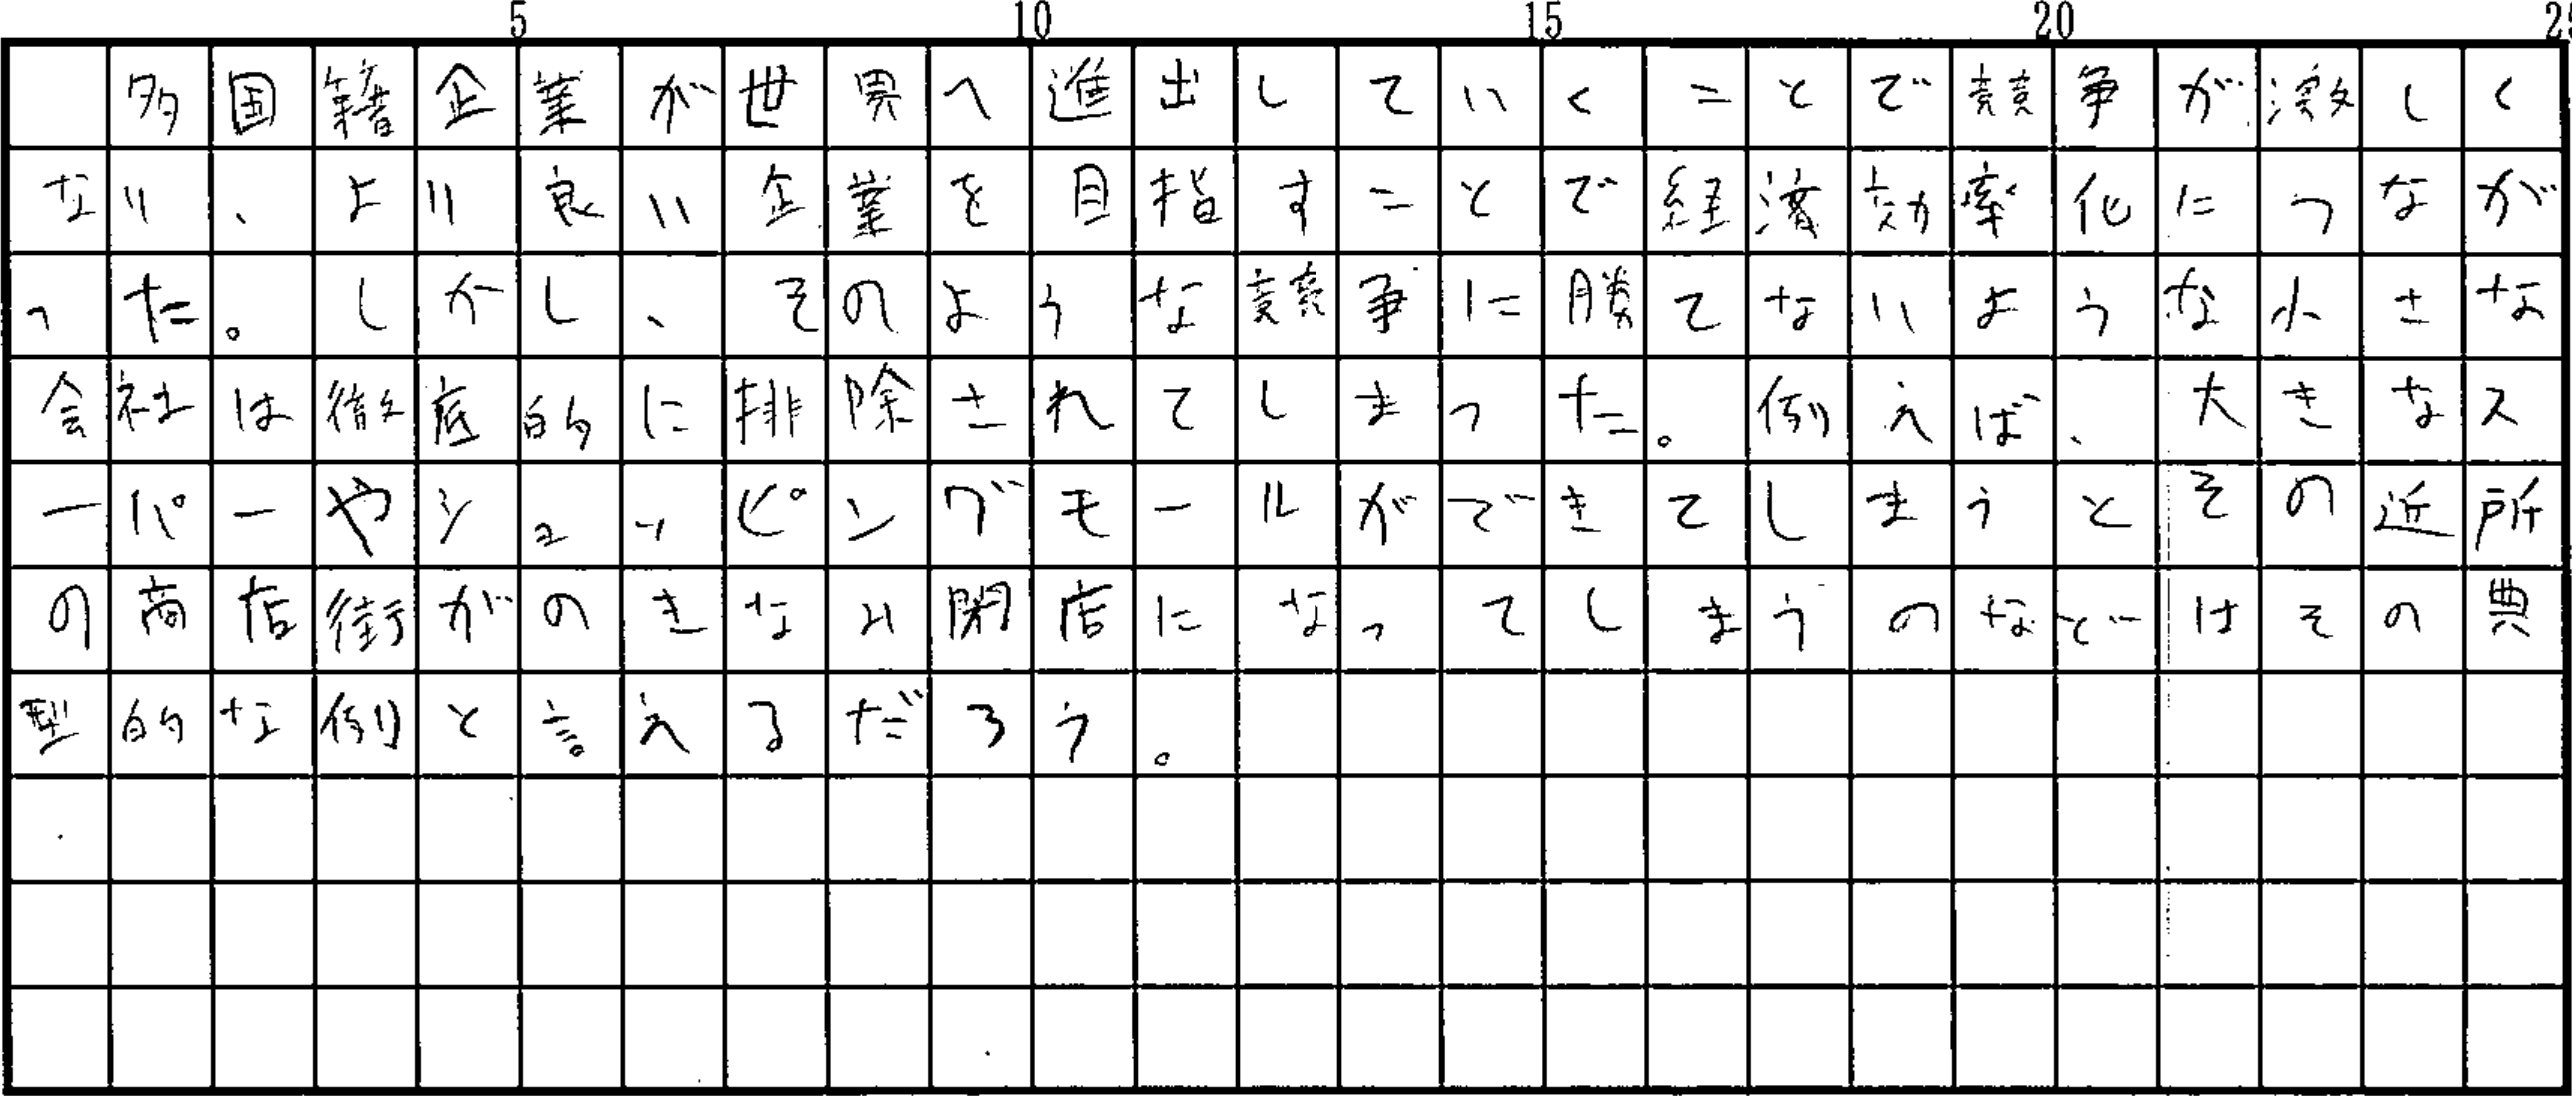　多国籍企業が世界へ進出していくことで競争が激しくなり、より良い企業を目指すことで経済効率化につながった。しかし、そのような競争に勝てないような小さな会社は徹底的に排除されてしまった。例えば、大きなスーパーやショッピングモールができてしまうとその近所の商店街がのきなみ閉店になってしまうのなどはその典型的な例と言えるだろう。
